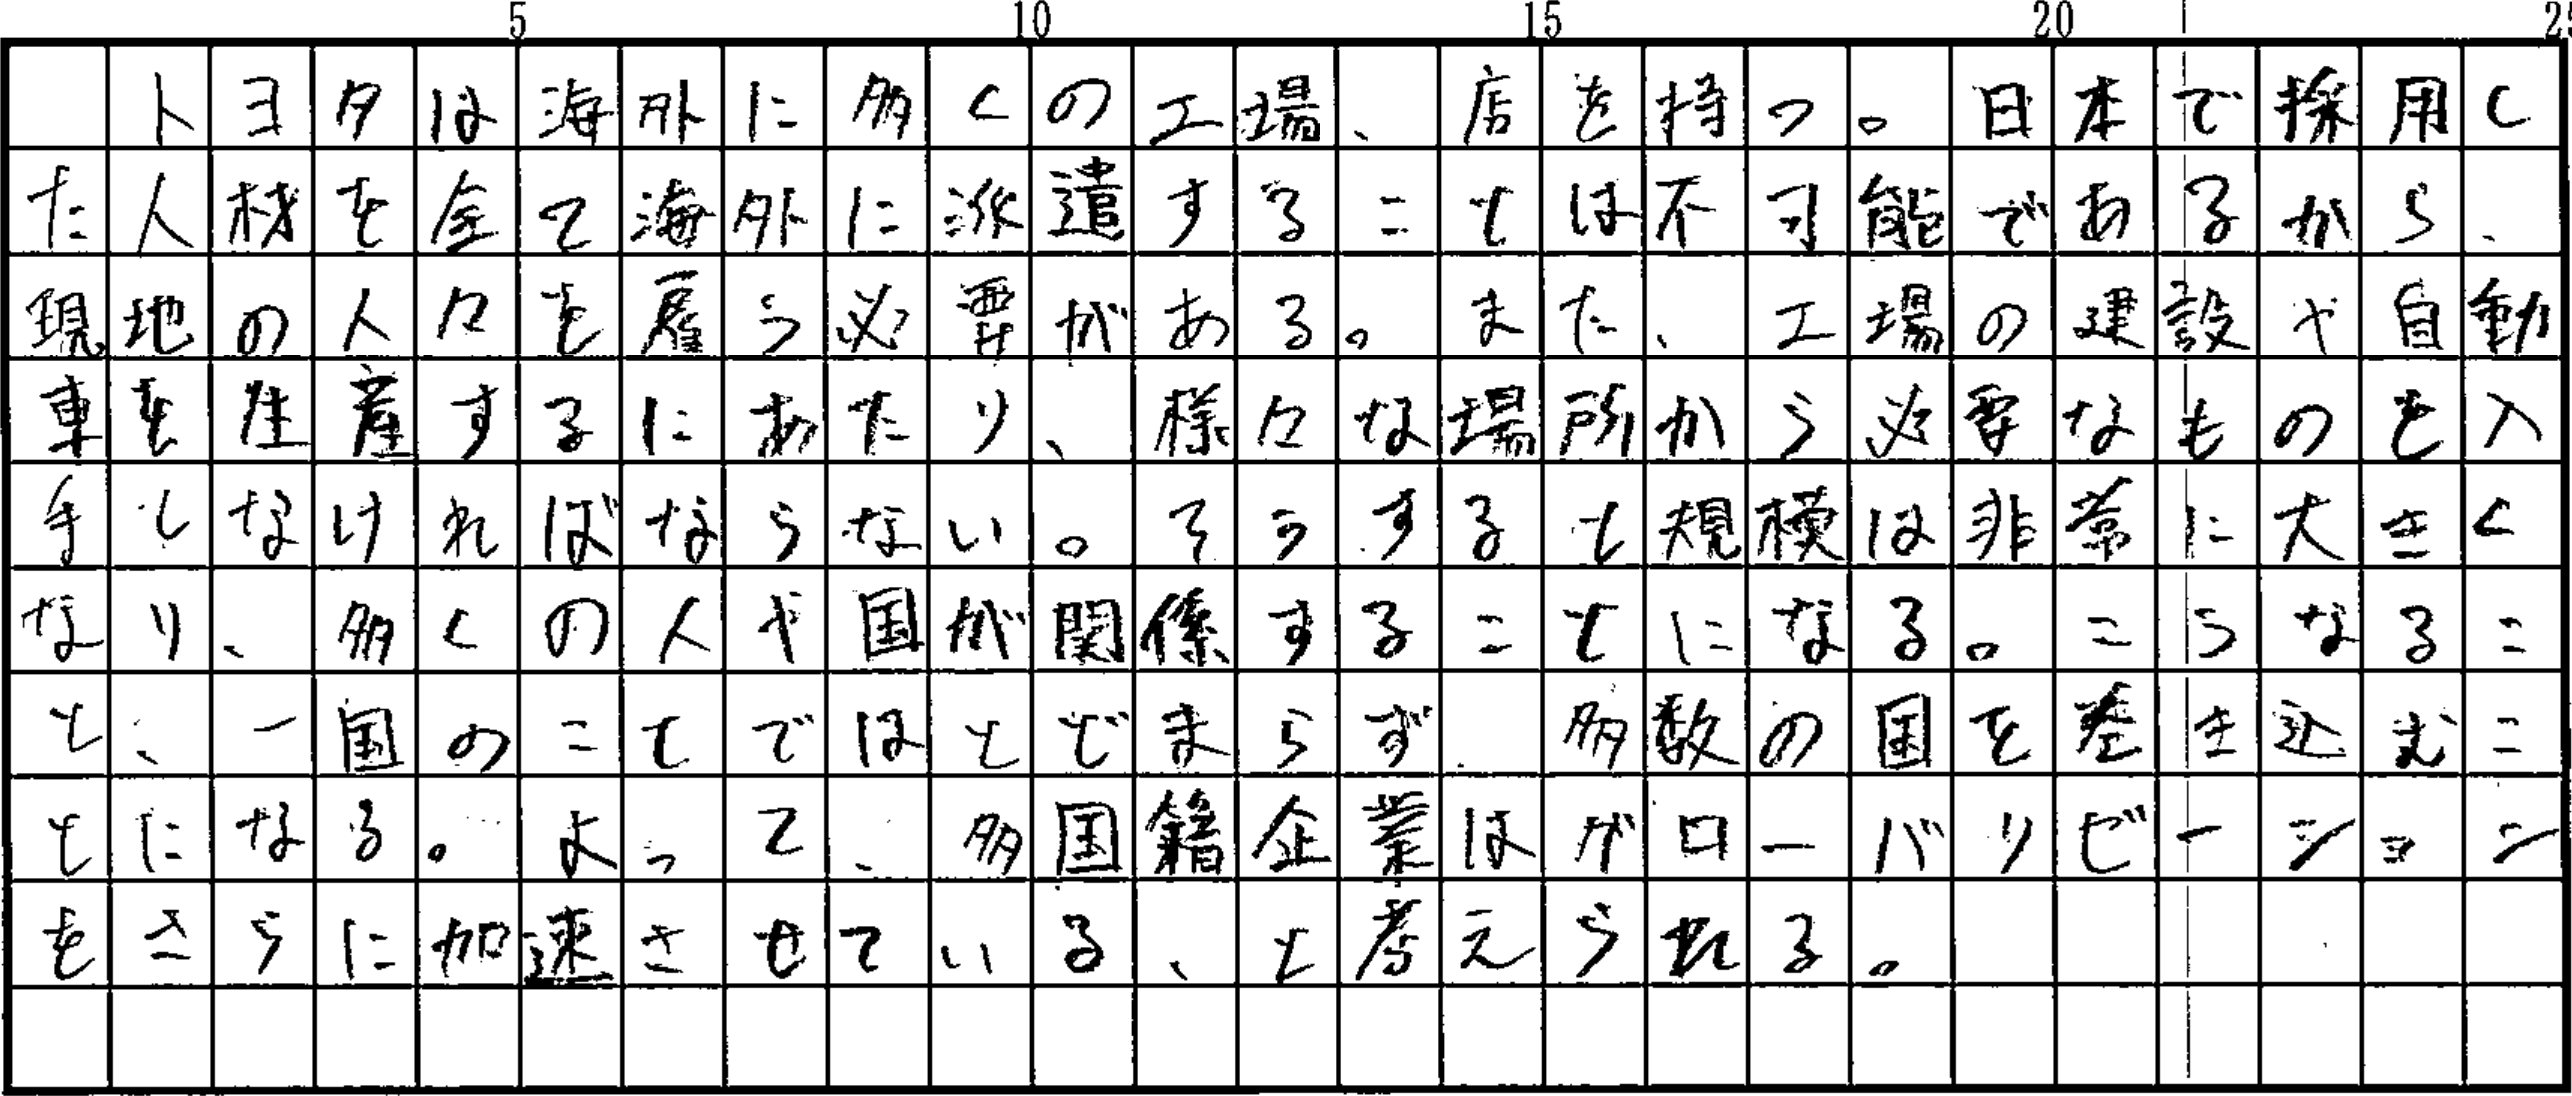　トヨタは海外に多くの工場、店を持つ。日本で採用した人材を全て海外に派遣することは不可能であるから、現地の人々を雇う必要がある。また、工場の建設や自動車を生産するにあたり、様々な場所から必要なものを入手しなければならない。そうすると規模は非常に大きくなり、多くの人や国が関係することになる。こうなること、一国のことではとどまらず、多数の国を巻き込むことになる。よって、多国籍企業はグローバリゼーションをさらに加速させている、と考えられる。
